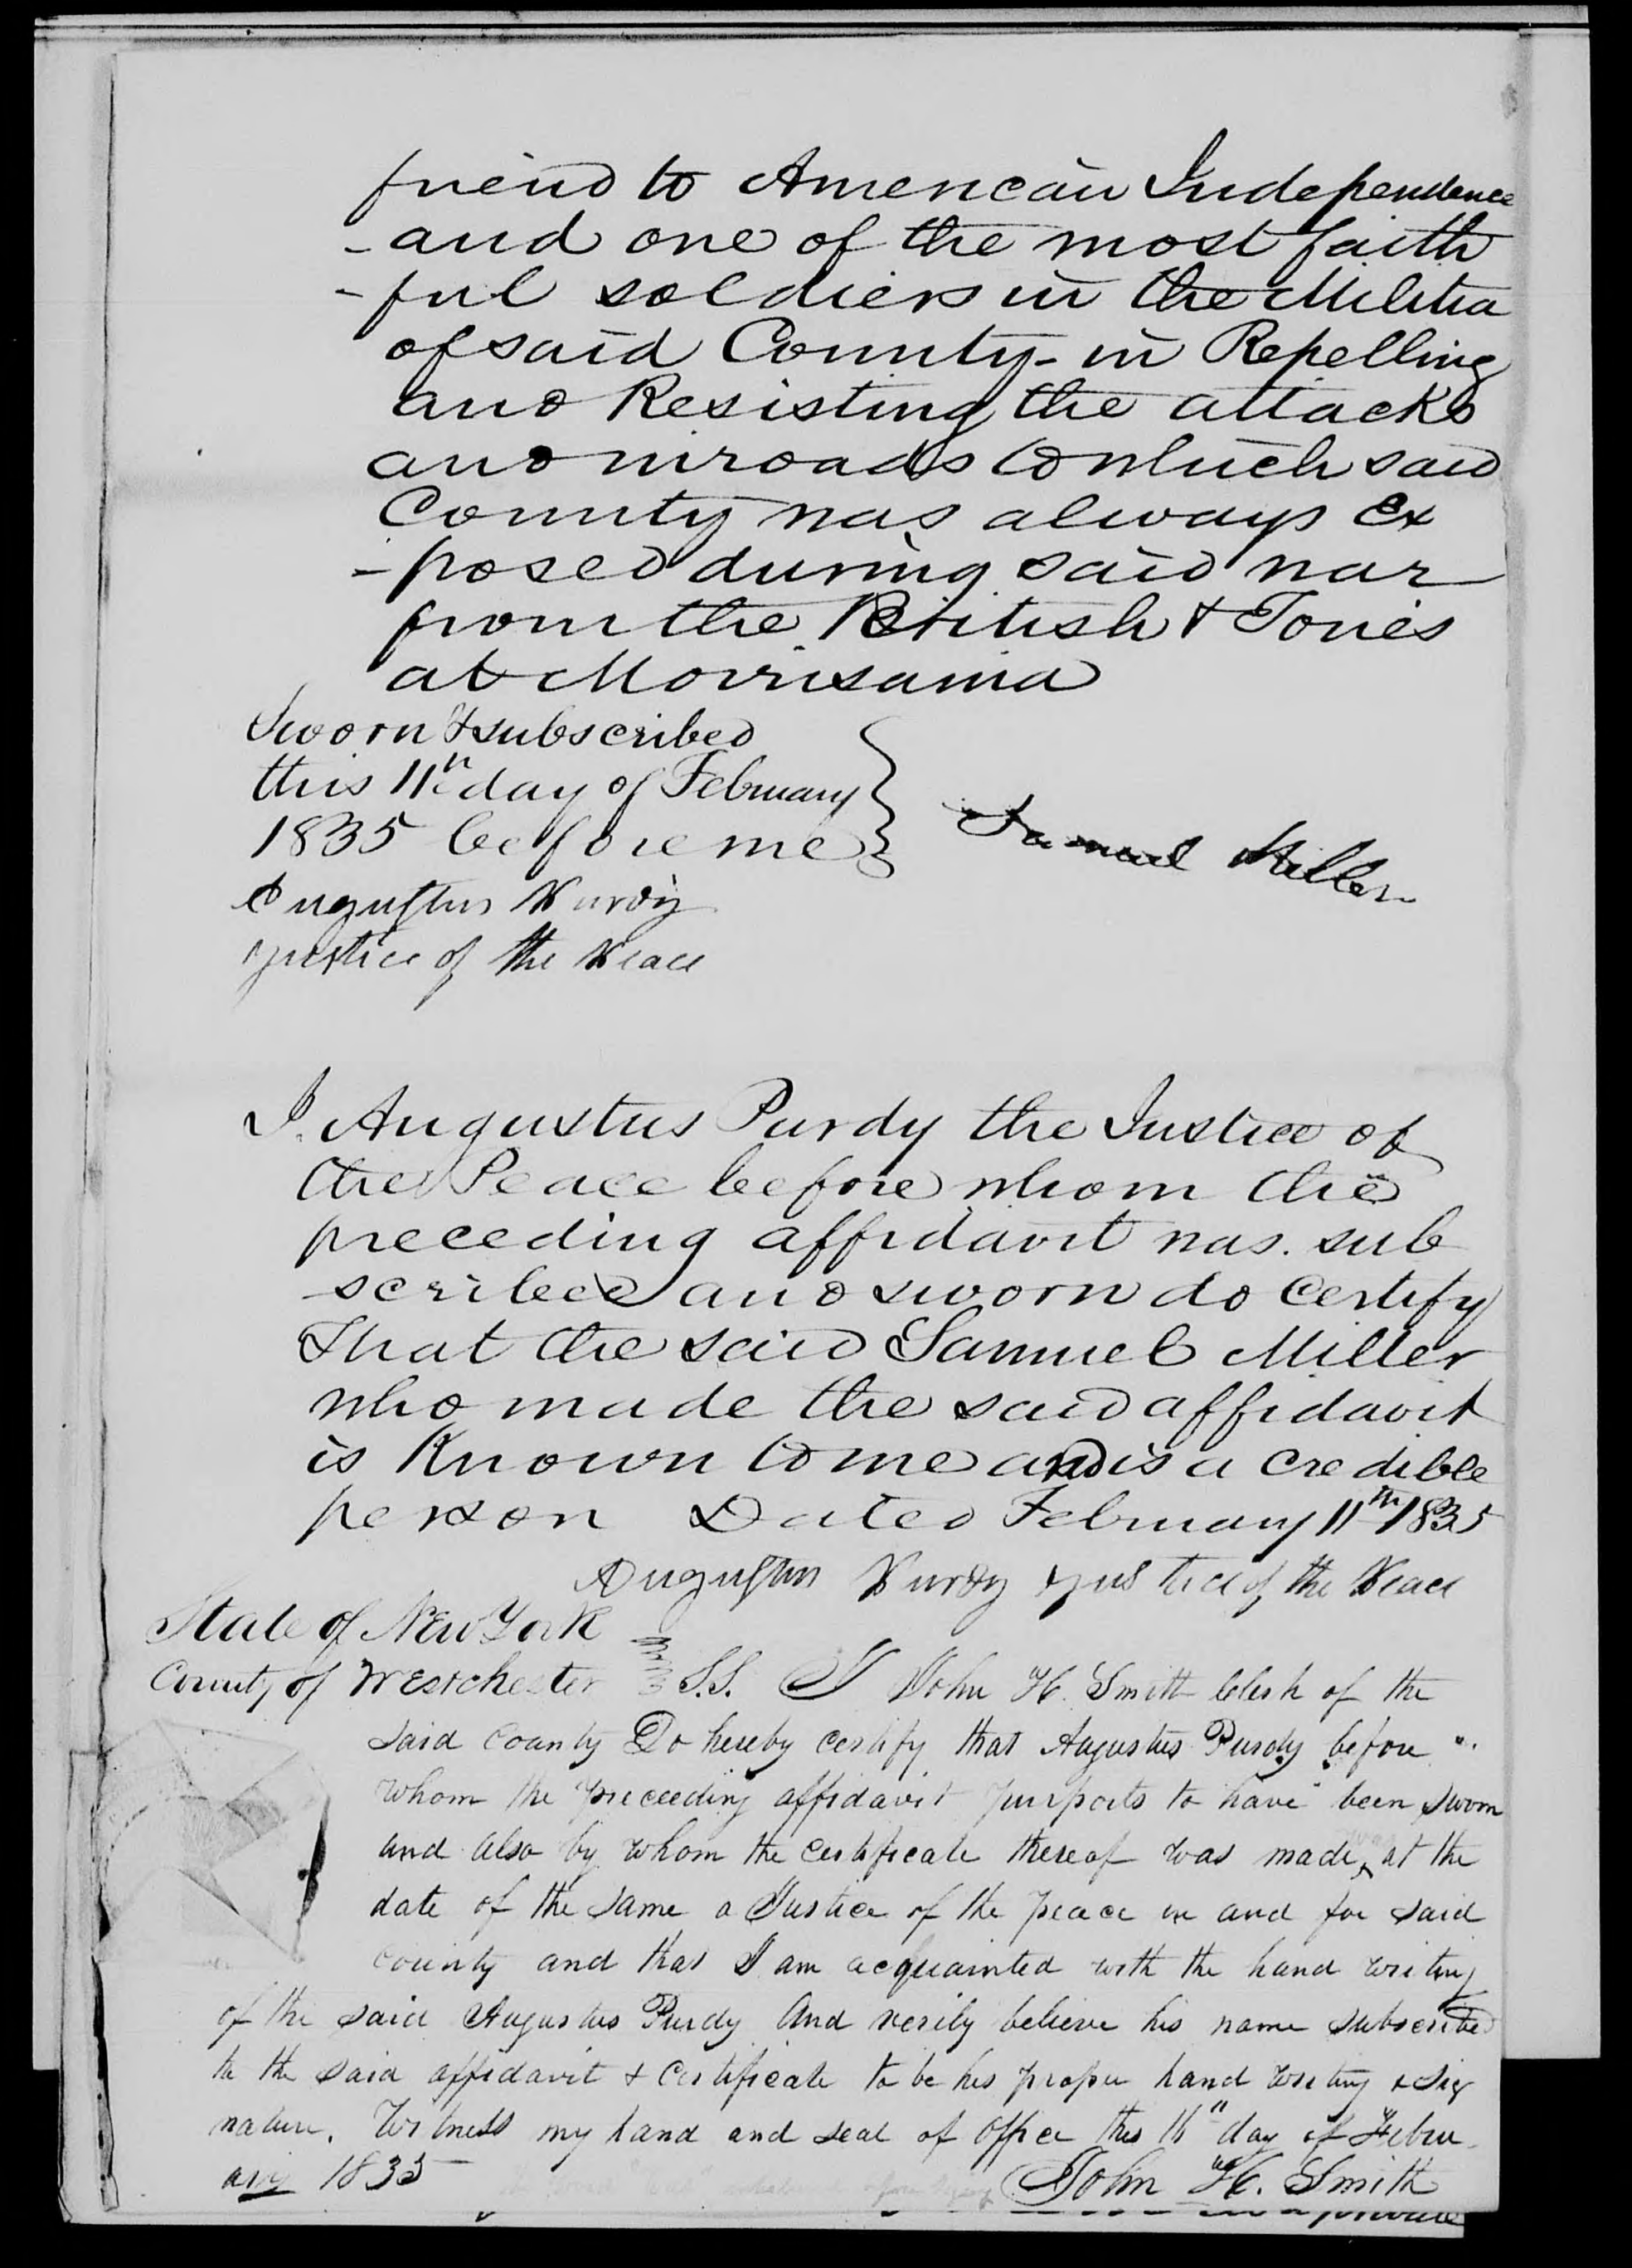friend to American Independence and one of the most faithful soldiers in the Militia of said County  - in Repelling and Resisting the attacks and inroads to which said County was always Exposed during said war from the British & Tories at Morrisania
Sworn & subscribed 11th day} 
of February 1835 before me} [Signed] Samuel Miller
[Signed] Augustus Purdy
Justice of the peace

I Augustus Purdy the Justice of the Peace before whom the preceding affidavit was subscribed and sworn do certify That the said Samuel Miller who made the said affidavit is known to me and is a credible person Dated February 11th 1835 
[Signed] Augustus Purdy Justice of the Peace 

State of New York }
County of Westchester} S.S. I John H. Smith Clerk of the said County Do hereby certify that Augustus Purdy before whom the preceeding affidavit purports to have been sworn and also by whom the certificate thereof was made ^was at the date of the same a Justice of the Peace in and for said County and that I am acquainted with the hand writing of the said Augustus Purdy And verily believe his name subscribed to the said affidavit & certificate to be his proper hand writing & signature. Witness my hand and seal of Office this 16th day of February 1835
[SEAL]
[Signed] John H. Smith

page: 33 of 33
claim: rejected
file: R. 7,063, for Elisha B Maynard, New York